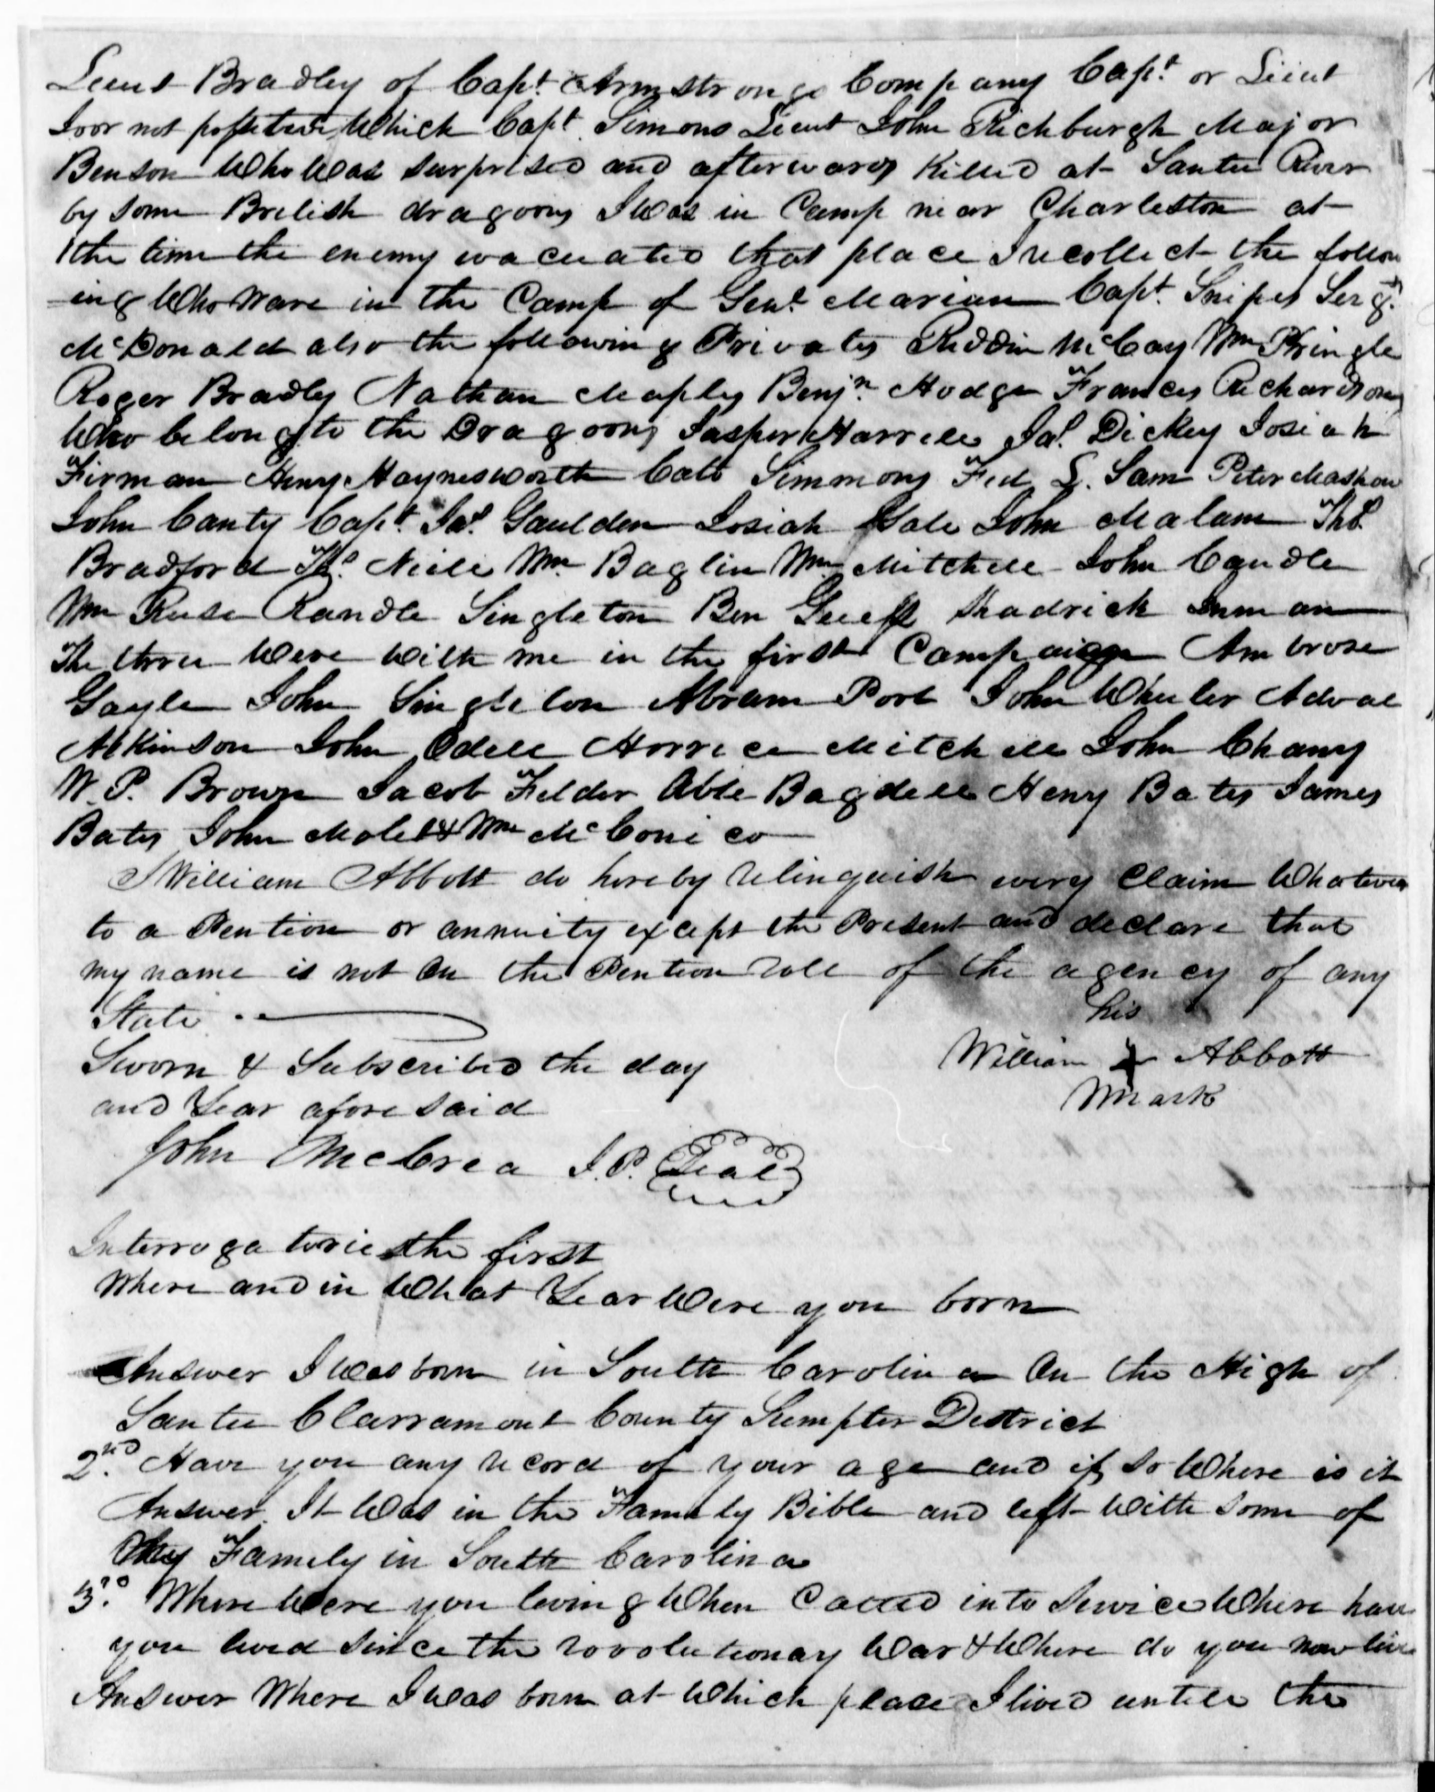Lieut Bradley of Capt. Armstrongs Company Capt. or Lieut Joor not positive, which Capt. Simons Lieut John Richburgh Major Benson who was surprised and afterwards killed at Santee River by some British dragoons I was in camp near Charleston at the time the enemy evacuated that place. I recollect the following who were in the camp of Genl. Marion Capt. Snipes Sergt. McDonald also the following Privates Reddin McCay Wm Pringle Roger Bradley Nathan Maply Benjn. Hodge Frances Richardson who belong to the Dragoons Jasper Harrell Jas. Dickey Josiah Firman Henry Haynesworth Catt Simmons Fred L. Sam Peter Mashow John Canty Capt. Jas. Gaulden Josiah Gale John Malam Thos. Bradford Thos. Niell Wm. Baglin Wm. Mitchell John Candle Wm Ruse Randle Singleton Ben Guess Shadrick Inman The three were with me in the first campaign Ambrose Gayle John Singleton Abram Pool John Wheeler Adval Atkinson John Odell Horrice Mitchell John Chany W. P. Brown Jacob Felder Able Bagdall Henry Bates James Bates John Molet & Wm McConico
I William Abbott do hereby relinquish every claim whatever to a pention or annuity except the present and declare that my name is not on the Pention roll of the agency of any State.
William Abbott his mark X
Sworn & Subscribed the day and year aforesaid
John McCrea J.P. {seal}

Interrogatories the first
Where and in what year were you born
Answer I was born in South Carolina on the High of Santee Clarramont County Sumpter District
2nd. Have you any record of your age and if so where is it
Answer. It was in the Family Bible and left with some of my Family in South Carolina
3rd. Where were you living when called into service Where have you lived since the Revolutionary war & where do you now live
Answer where I was born at which place I lived until the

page: 5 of 38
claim: survivor's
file: S. 30. 239, William Abbott, S.C.